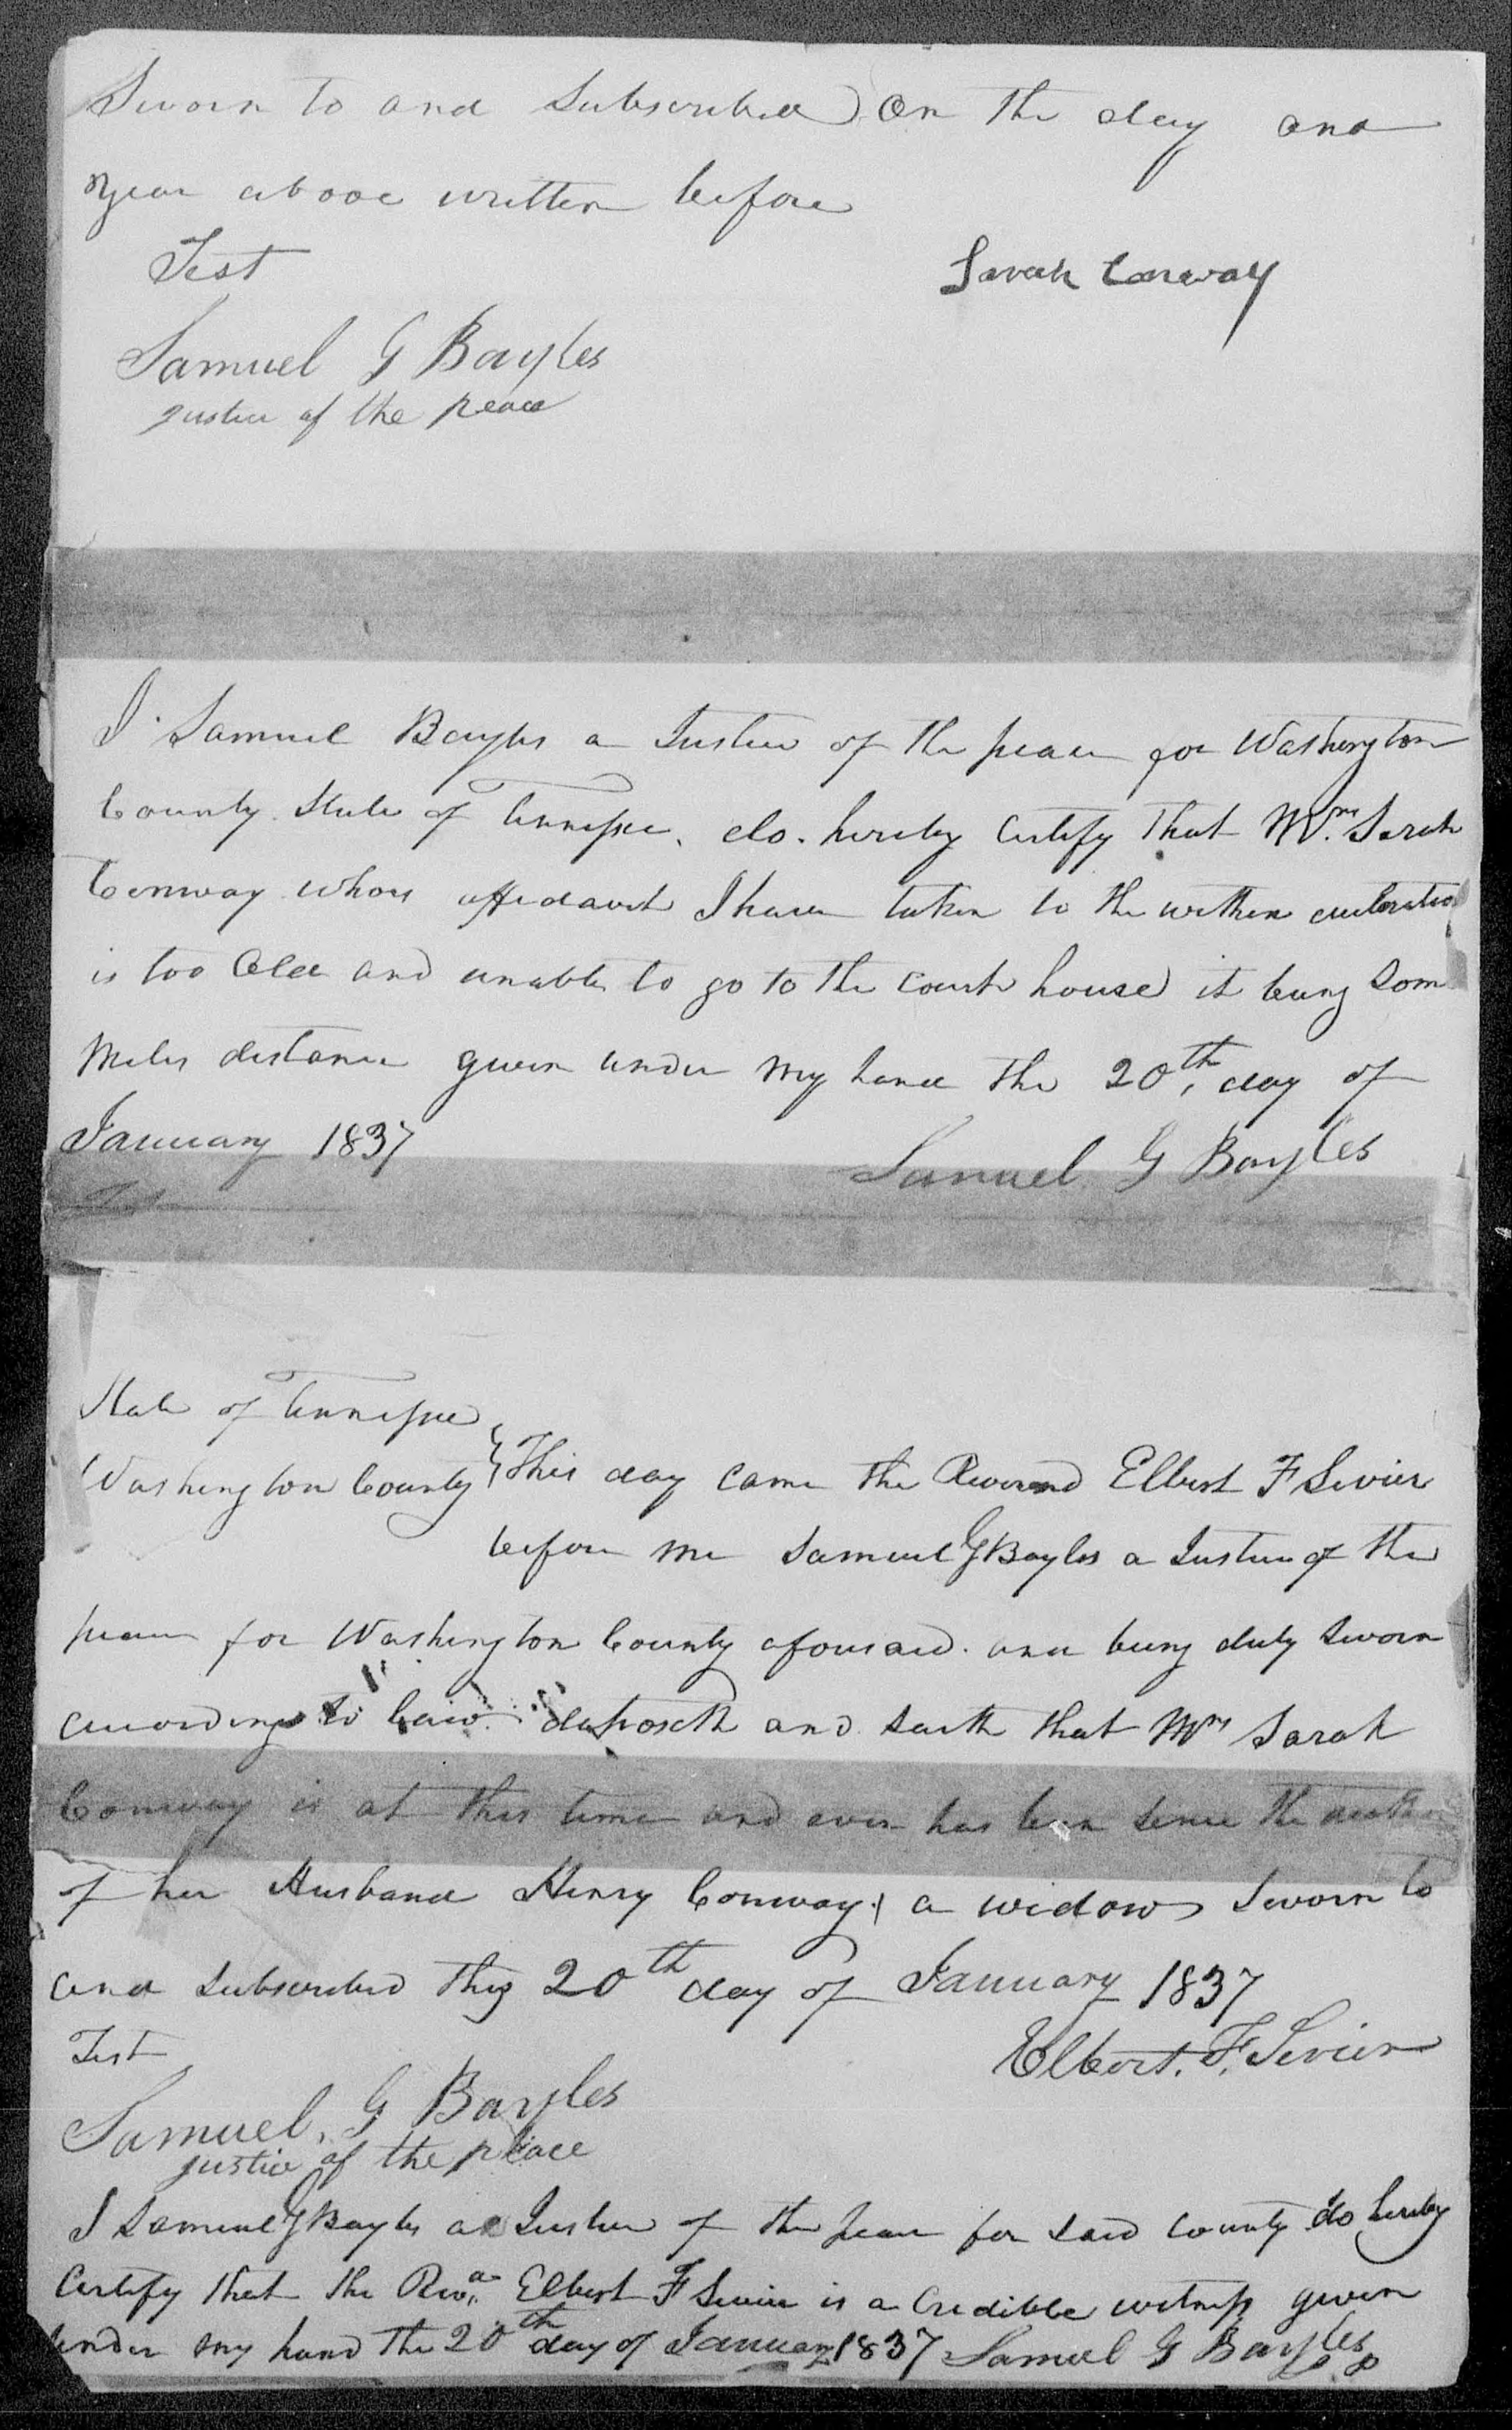Sworn to and subscribed on the day and year above written before 

Sarah Conway


Test 
Samuel G. Bayles
Justice of the Peace

I Samuel Bayles a Justice of the Peace for Washington County State of Tennessee do hereby certify that Mrs. Sarah Conway whose affidavit I have taken to the within  ? is too old and unable to go to the court house it being some miles distance given under my hand this 20th day of January 1837.

Samuel G. Bayles


State of Tennessee
Washington County

This day came the Reverend Elbert F. Sevier before me Samuel G. Bayles a Justice of the Peace for Washington County aforesaid and being duly sworn according to law deposeth and saith that Mrs. Sarah Conway is at this time and ever has been since the passing of her husband Henry Conway a widow.

Sworn to and subscribed this 20th day of January 1837

Elbert F. Sevier

Test
Samuel G. Bayles
Justice of the Peace

I Samuel G. Bayles a Justice of the Peace for said County do hereby certify that the Reverend Elbert F. Sevier is a credible witness given under my hand the 20th day of January 1837

Samuel G. Bayles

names: Elbert F Sevier, Samuel Bayles, Samuel G Bayles, Samuel G Bayles, Samuel G Bayles, Elbert F Sevier, Samuel G Bayles, Samuel G Bayles, Sarah Conway, Samuel G Bayles, Elbert F Sevier, Henry Conway, Sarah Conway, Sarah Conway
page: 5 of 13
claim: widow's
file: W. 6,719, Henry Conway, Va.